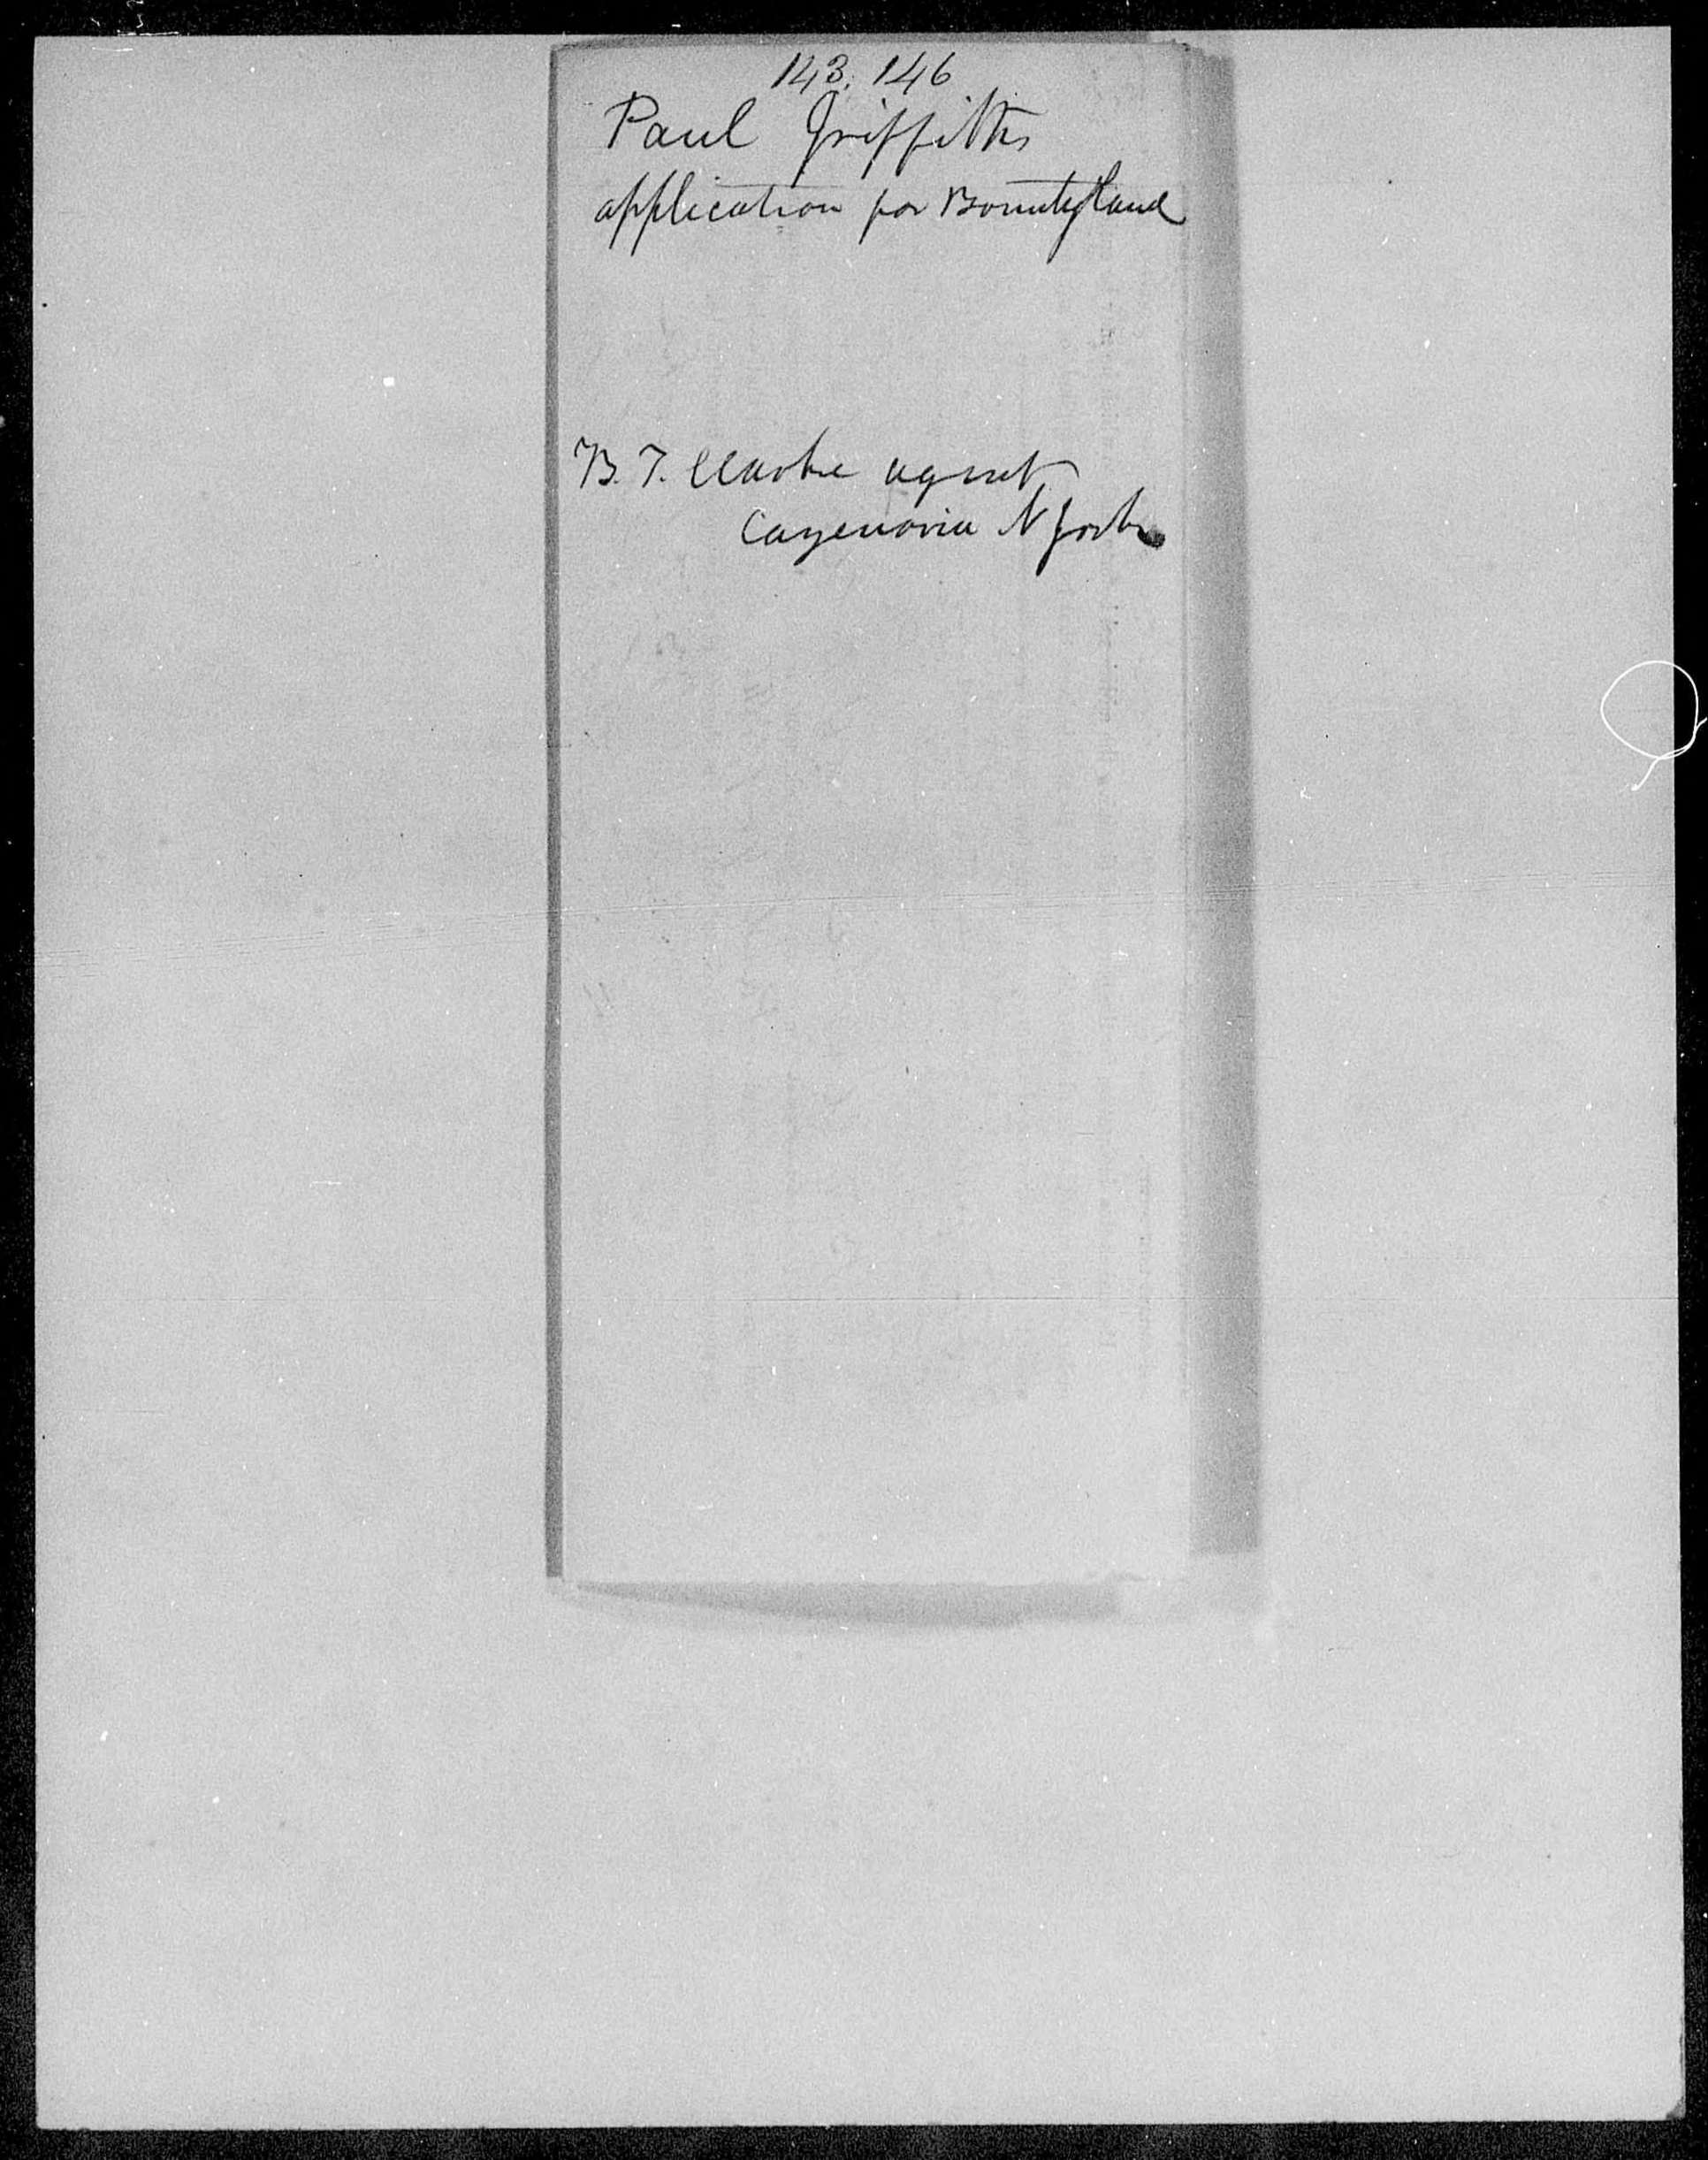143.146
Paul Griffiths
application for Bounty land

B.T. Clark, agent
Cazenovia, New York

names: B T Clarke, Paul Griffiths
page: 20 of 61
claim: survivor's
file: S. 22798, Paul Griffiths, R.I.